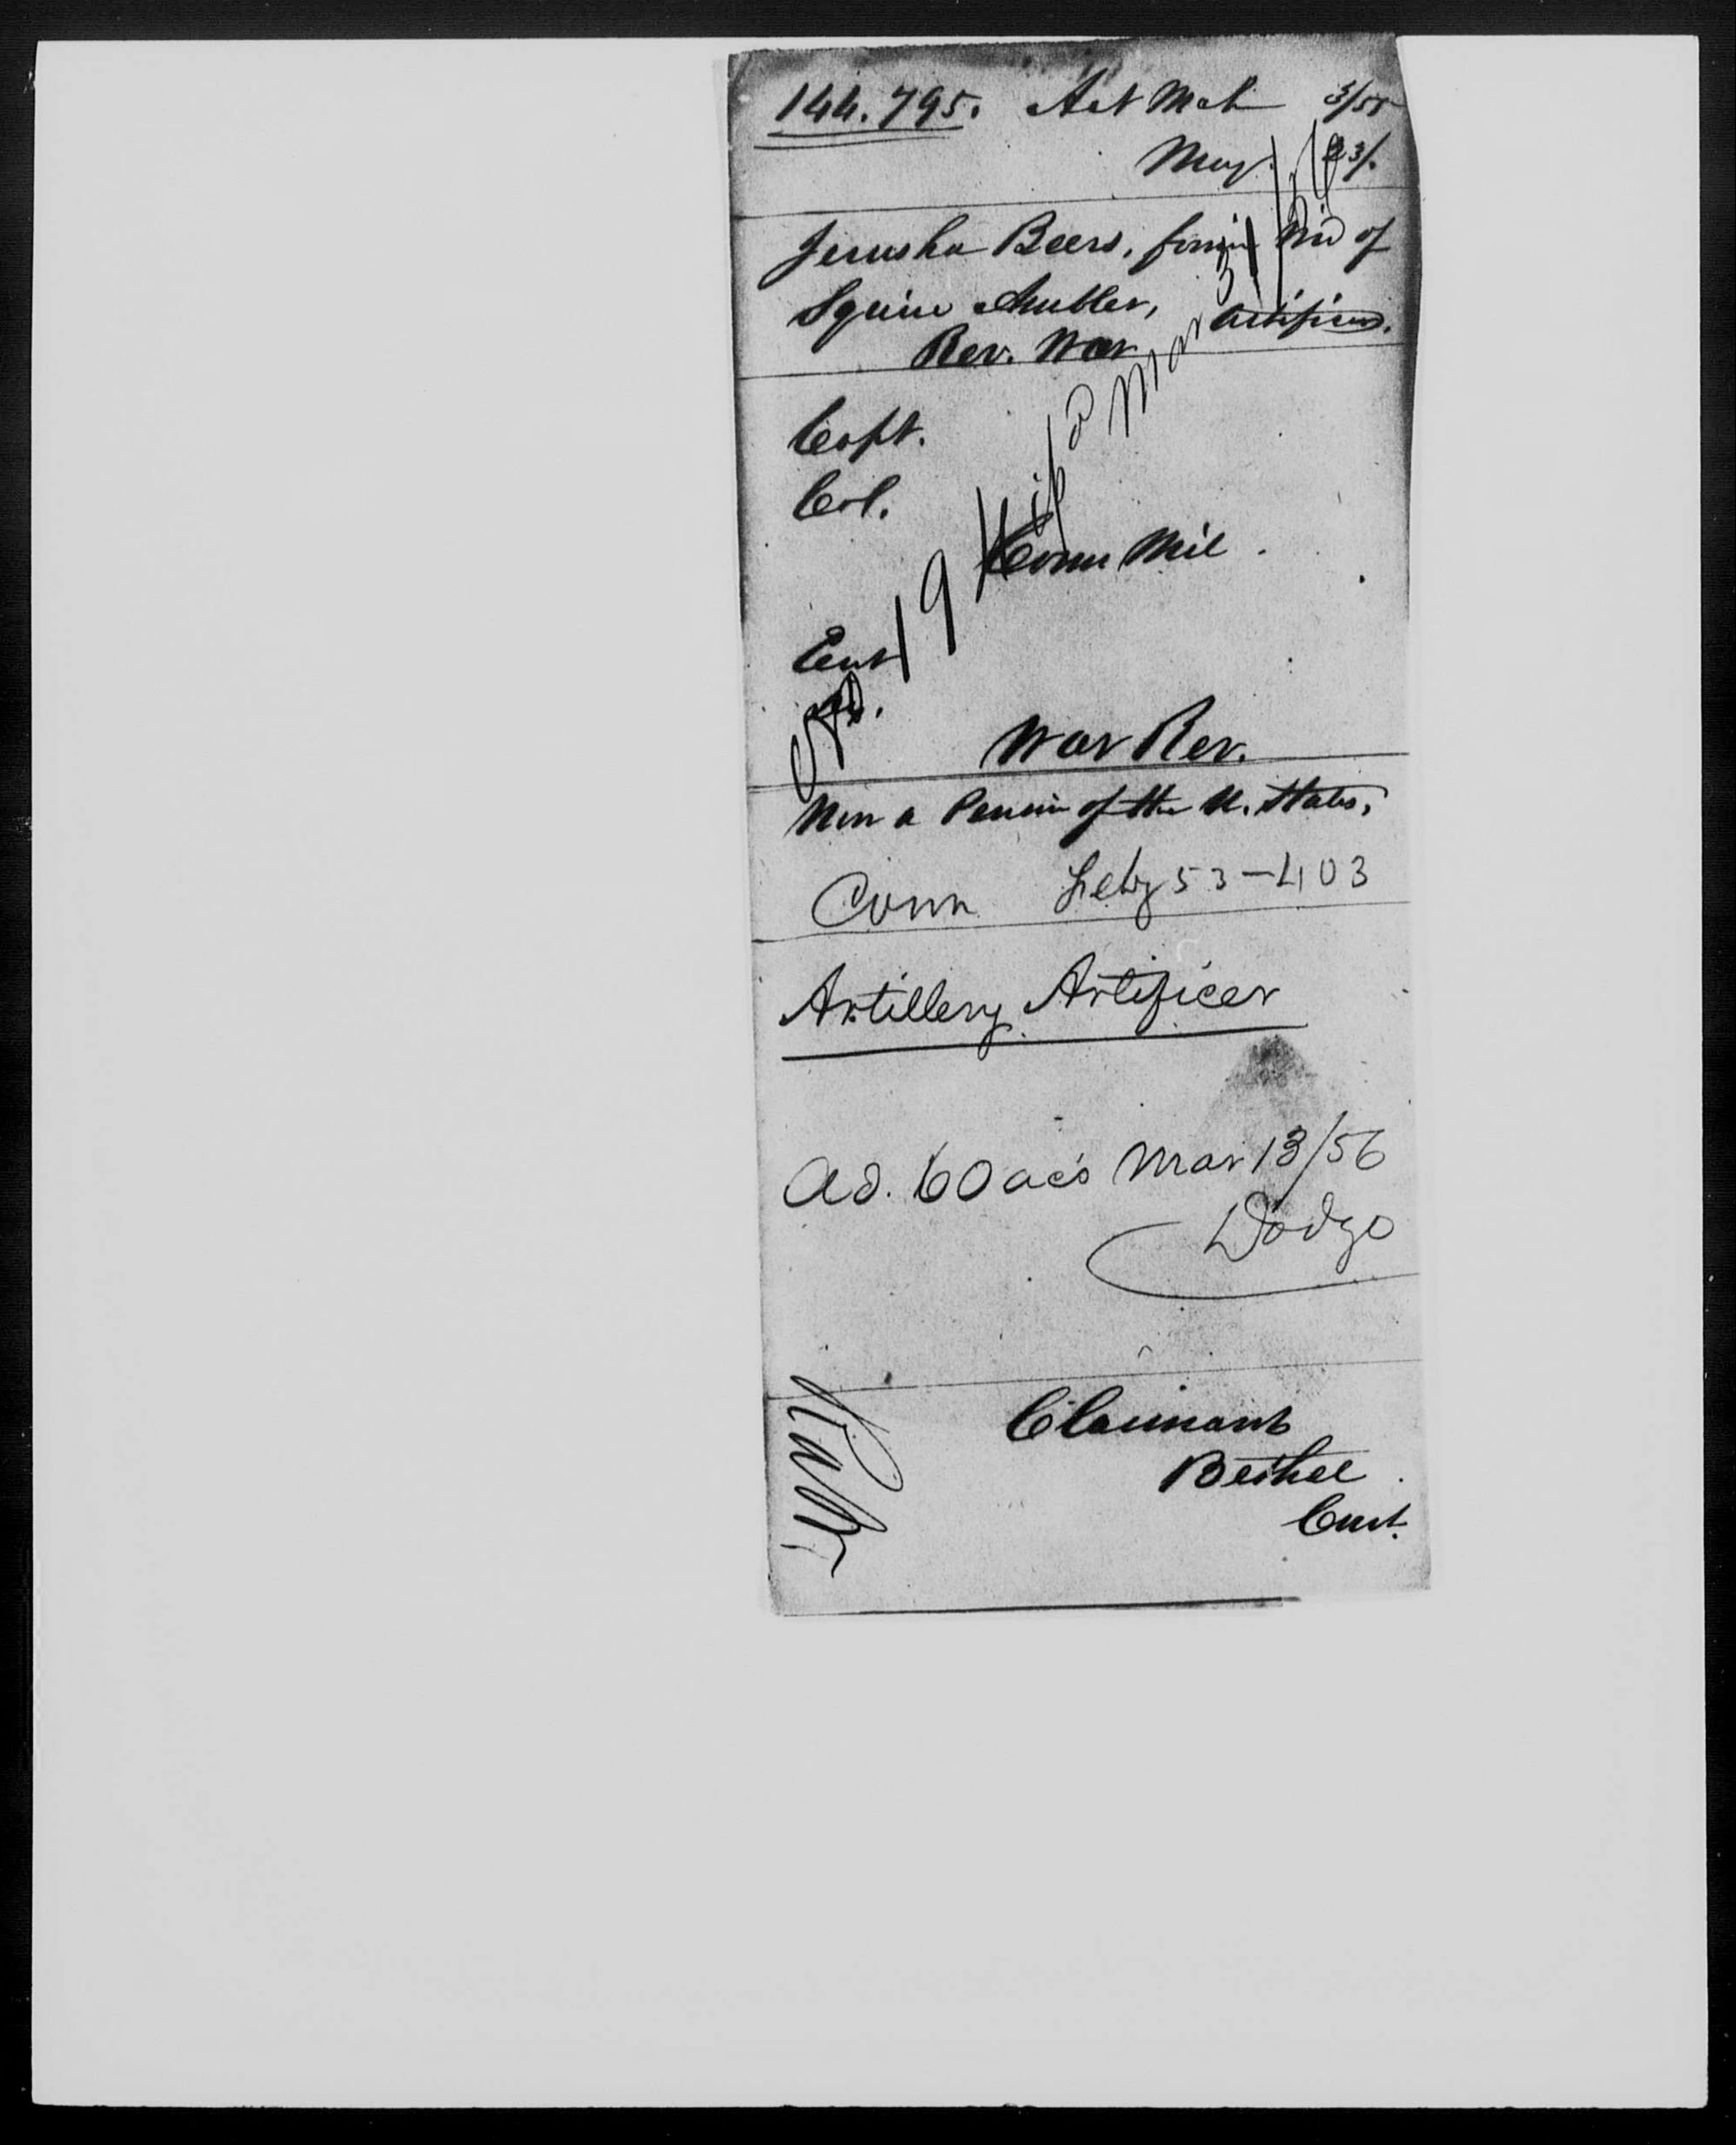144. 795 Art Mch 3/55
May 23/. 
Jerusha Beers, for wid of Squire Ambler, artificer. 
Artificer
Rev. War 

Capt.
Col.
Comm Mil.
Cert
War Rev.
Min a Pension of the U. States, Conn Feby 53-403
Artillery Artificer 
Ad. 60 ac's Mar 13/56 Dodge
Claimant 
Bethel Court
[Cross written] No 19th iss  Mar 31/56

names: Jerusha Beers, Squire Ambler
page: 24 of 39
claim: widow's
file: W. 2,056, Squire Ambler, Continental (Sol. Res. In N.Y. & Conn.)